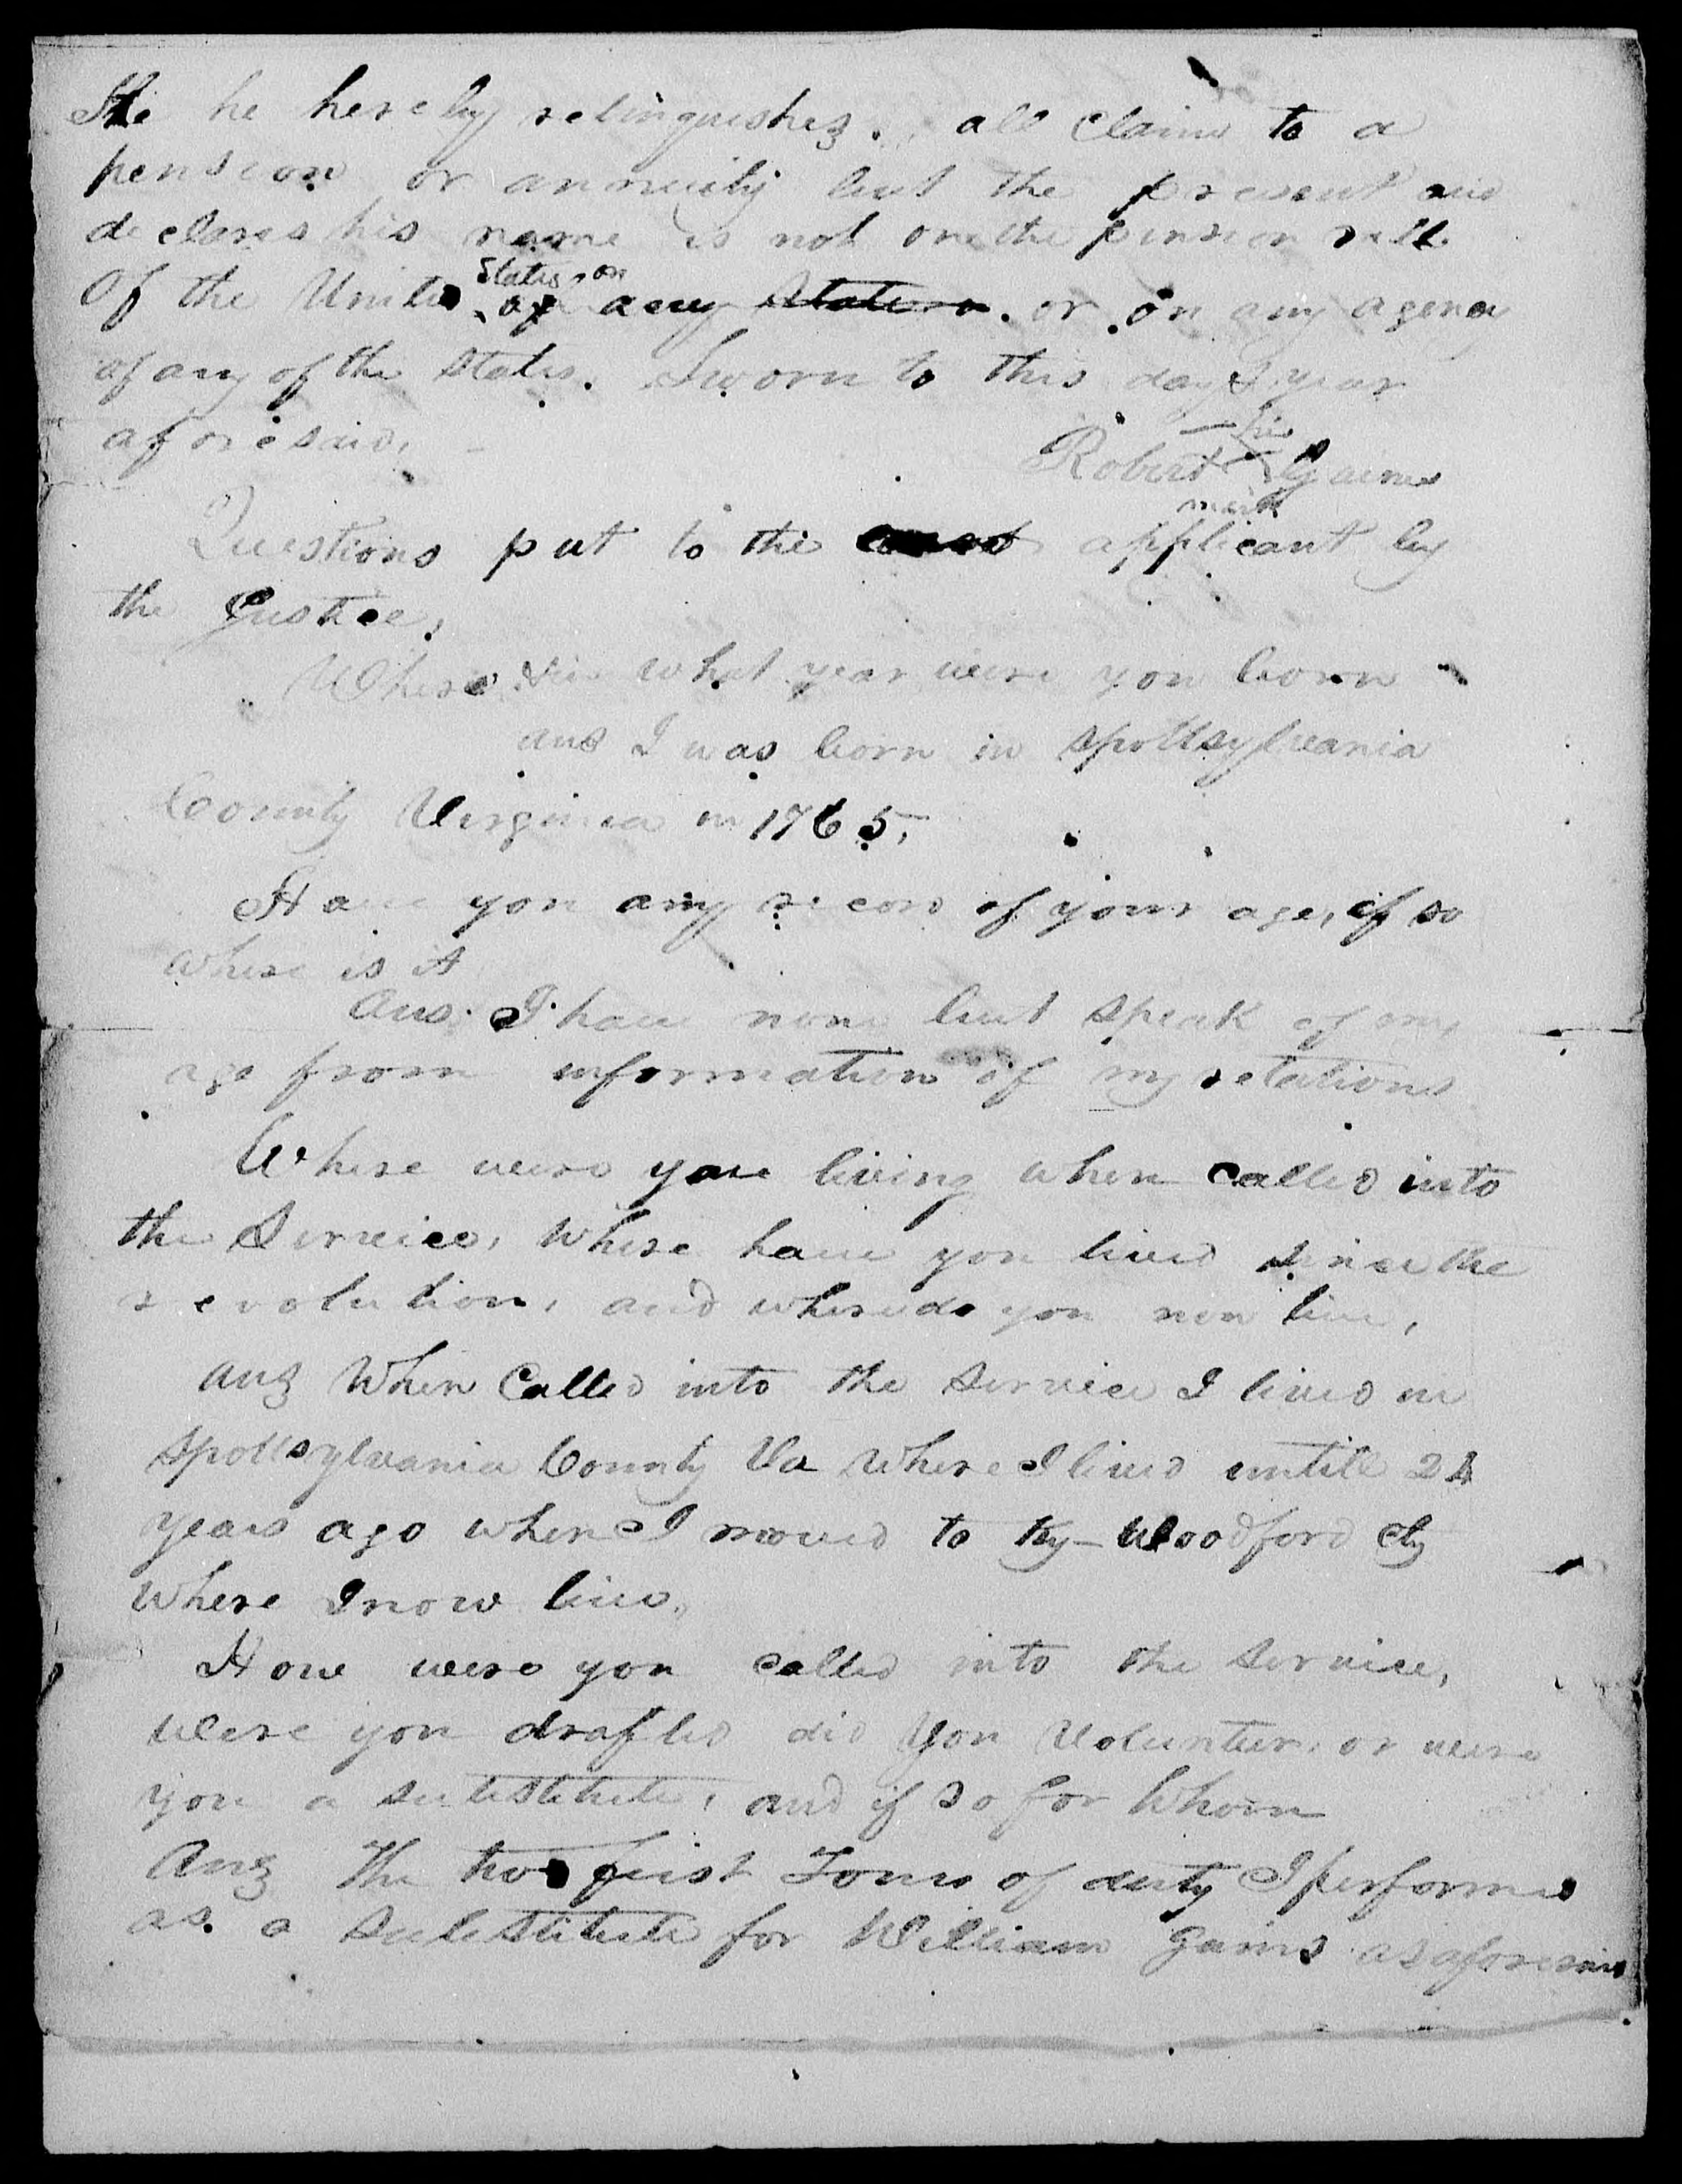The he hereby relinquishes all claim to a
pension or annuity but the present and
declares his name is not on the pension roll
of the United States [crossed out] of any State [/crossed out] or on any agency
of any of the states. Sworn to this day & year
aforesaid, Robert his x mark Gaines
Questions put to the [crossed out] [illegible] [/crossed out] applicant by
the Justice,
Where & in what year were you born
and I was born in Spottsylvania
County Virginia in 1765.
Have you any record of your age, if so
where is it
ans. I have none but speak of my
age from information of my relations
Where were you living when called into
the service, where have you lived since the
revolution, and where do you now live,
ans. when called into the service I lived in
Spotsylvania County Va where I lived untill 24
years ago when I moved to Ky - Woodford Cty
where I now live,
How were you called into the service,
were you drafted did you volunteer, or were
you a substitute, and if so for whom
Ans The two first tour of duty I performed
as a substitute for William Gains as aforesaid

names: Robert Gaines, William Gains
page: 7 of 79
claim: rejected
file: R. 3863, Robert Gaines, Va.